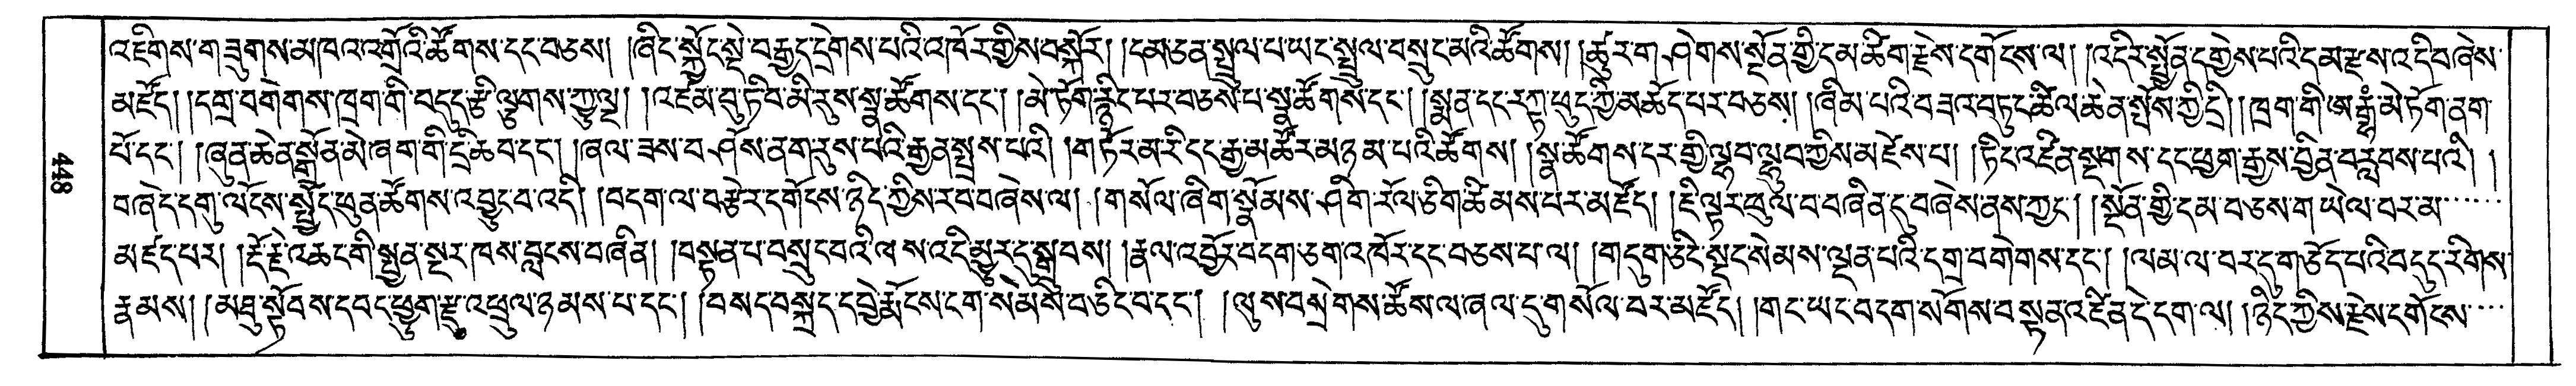འཇིགས་གཟུགས་མཁའ་འགྲོའི་ཚོགས་དང་བཅས། །ཞིང་སྐྱོང་སྡེ་བརྒྱད་དྲེགས་པའི་འཁོར་གྱིས་བསྐོར། །དམ་ཅན་སྤྲུལ་པ་ཡང་སྤྲུལ་པ་ཡང་བསྲུང་མའི་ཚོགས། །ཚུར་གཤེགས་སྔོན་གྱི་དམ་ཚིག་རྗེས་དགོངས་ལ། །འདིར་སྦྱོན་དགྱེས་པའི་དམ་རྫས་འདི་བཞེས་
མཛོད། །དགྲ་བགེགས་ཁྲག་གི་བདུད་རྩི་ལྕགས་ཀྱུ་ལྔ། །འཛམ་བུ་ཏི་བ་མི་རུས་སྣ་ཚོགས་དང་། །མེ་ཏོག་རྙིང་པར་བཅས་པ་སྣ་ཚོགས་དང་། །སྨན་དང་རཀྟ་ཕུད་ཀྱི་མཆོད་པར་བཅས། །ཞིམ་པའི་བཟའ་བཏུང་ཚིལ་ཆེན་སྦོས་ཀྱི་དྲི། །ཁྲག་གི་ཨརྒྷཾ་མེ་ཏོག་ནག་
པོ་དང་། །ཞུན་ཆེན་སྒྲོན་མེ་ཞག་གི་དྲི་ཆབ་དང་། །ཞལ་ཟས་བཤོས་ནག་རུས་པའི་རྒྱན་སྤྲས་པའི། །གཏོར་མ་རི་དང་རྒྱ་མཚོར་མཉམ་པའི་ཚོགས། །སྣ་ཚོགས་དར་གྱི་ལྷབ་ལྷུབ་ཀྱིས་མཛེས་པ། །ཏིང་འཛིན་སྔགས་དང་ཕྱག་རྒྱས་བྱིན་བརླབས་པའི། །
བཞེད་དགུ་ལོངས་སྤྱོད་ཕུན་ཚོགས་འབྱུང་བ་འདི། །བདག་ལ་བརྩེར་དགོངས་ཉིད་ཀྱིས་རབ་བཞེས་ལ། །གསོལ་ཞིག་སྣོམས་ཤིག་རོལ་གཅིག་ཚིམས་པར་མཛོད། །ཇི་ལྟར་ཕུལ་བ་བཞིན་དུ་བཞེས་ནས་ཀྱང་། །སྔོན་གྱི་དམ་བཅས་གཡེལ་བར་མ་
མཛད་པར། །རྡོ་རྗེ་འཆང་གི་སྤྱན་སྔར་ཁས་བླངས་བཞིན། །བསྟན་པ་བསྲུང་བའི་ལས་འདི་མྱུར་དུ་སྒྲུབ། །རྣལ་འབྱོར་བདག་ཅག་འཁོར་དང་བཅས་པ་ལ། །གདུག་ཅིང་སྔང་སེམས་ལྡན་པའི་དགྲ་བགེགས་དང་། །ལམ་ལ་བར་དུ་གཅོད་པའི་བདུད་རིགས་
རྣམས། །མཐུ་སྟོབས་དབང་ཕྱུག་རྫུ་འཕྲུལ་ཉམས་པ་དང་། །བསད་བསྐྲད་དབྱེ་རྨོངས་ངག་སེམས་བཅིང་བ་དང་། །ལུས་བསྲེགས་ཚོས་ལ་ཞལ་དུ་གསོལ་བར་མཛོད། །གང་ཡང་བདག་སོགས་བསྟན་འཛིན་དེ་དག་ལ། །ཉིད་ཀྱིས་རྗེས་དགོངས་